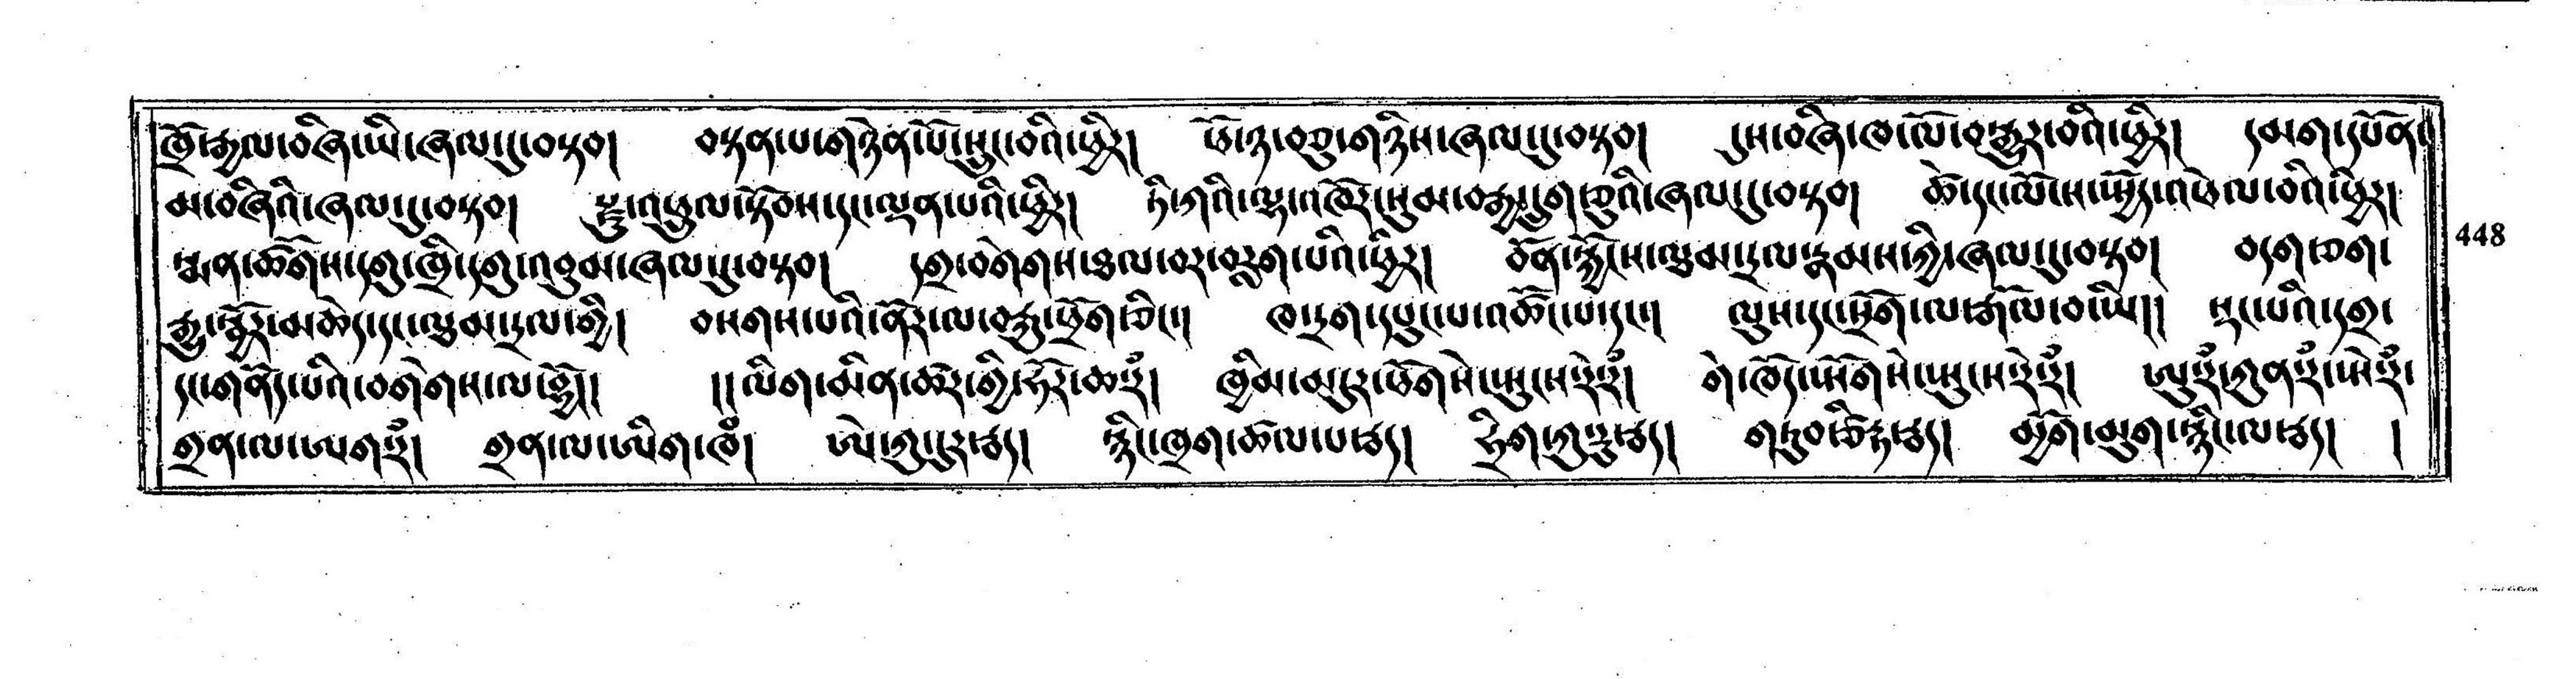ཁྲོ་རྒྱལ་བཞི་ཡི་ཞལ་དུ་བསྟབ། བསྟན་པ་གཉེན་པོ་སྲུང་བའི་ཕྱིར། ཕོ་ཉ་བཅུ་གཉིས་ཞལ་དུ་བསྟབ། དུས་བཞི་ཁ་ལོ་བསྒྱུར་བའི་ཕྱིར། དམག་དཔོན་
མ་བཞིའི་ཞལ་དུ་བསྟབ། རྫུ་འཕྲུལ་སྟོབས་དང་ལྡན་པའི་ཕྱིར། ཏི་ཀའི་ལྷ་འཁོར་སུམ་བརྒྱ་དྲུག་ཅུའི་ཞལ་དུ་བསྟབ། ཚེ་དང་ལོངས་སྤྱོད་འཕེལ་བའི་ཕྱིར། 
སྨན་ཚོགས་དགུ་ཁྲི་དགུ་འབུམ་ཞལ་དུ་བསྟབ། {461}དགྲ་བགེགས་ཐལ་བར་བརླག་པའི་ཕྱིར། བོན་སྐྱོངས་ལྕམ་དྲལ་རྣམས་ཀྱི་ཞལ་དུ་བསྟབ། བདག་ཅག་
རྒྱུ་སྦྱོར་མཆེད་དང་ལྕམ་དྲལ་གྱི། བསགས་པའི་ནོར་ལ་བརྐུ་ཕྲོག་ཅིང་། ཁ་དྲག་དཔུང་པ་འཚོང་པ་དང་། ལུས་དང་སྲོག་ལ་རྒོལ་བ་ཡི།། སྡང་པའི་དགྲ་
དང་གནོད་པའི་བགེགས་ལ་བྷྱོ།། །།ལིག་མིན་ཚར་གྱི་ཧོར་ཆ་རཾ། ཁྱིམ་མདུར་ཕོགས་སེ་སྤུངས་རེ་རཾ། གེ་ཁོད་སྤོགས་སེ་སྤུངས་རེ་རཾ། ཨུ་རཾ་ཀུན་རཾ། སྤེ་རཾ། 
གྲན་ལ་ཨག་རཾ། གྲན་ལ་ཨིག་ཁཾ། ཨེ་ཀུ་དུར་རྦད། སྙིང་ཁྲག་ཚལ་པ་རྦད། ཧྲིག་ཀུ་རུ་རྦད། གཏུབ་ཙིཏྟ་རྦད། མྱོག་མུག་སྙིང་ལ་རྦད།